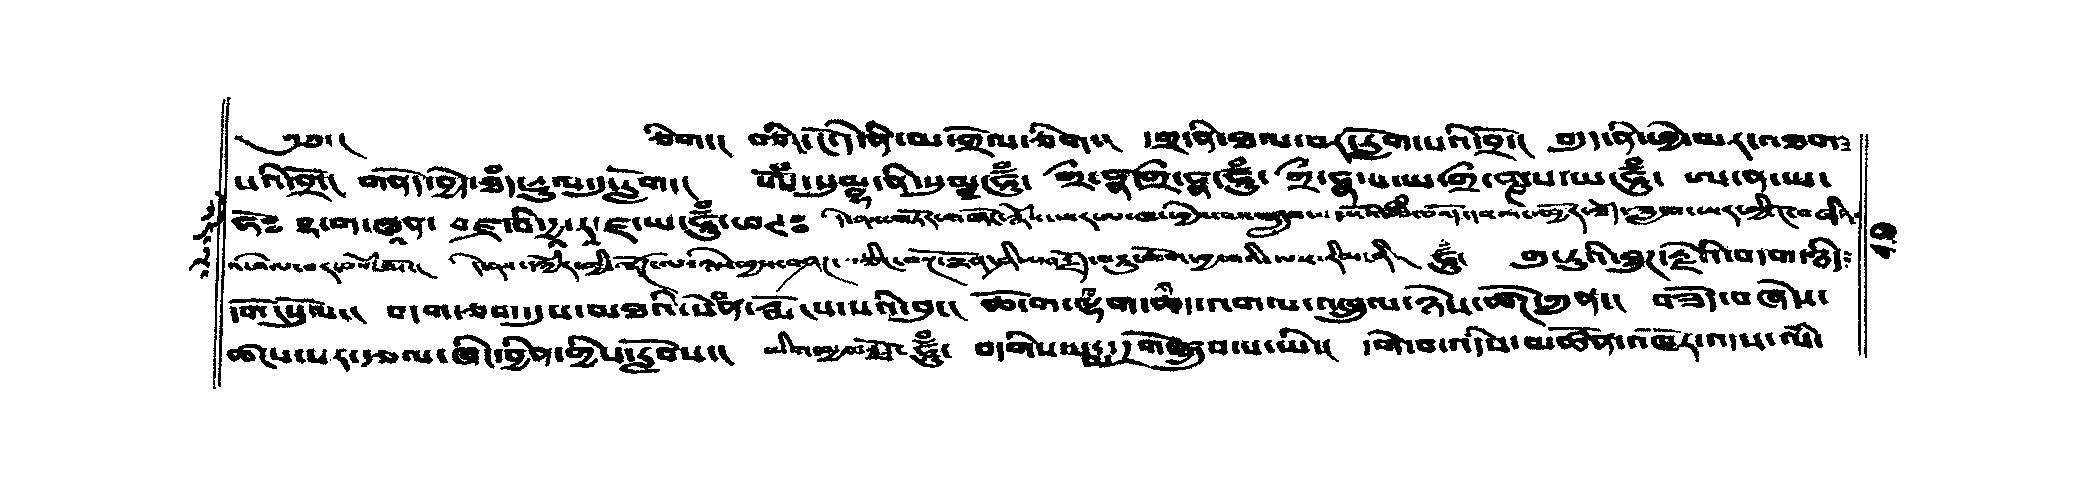ཤིག་བཅིང་ངོ་དེ་ནི་མ་གྲོལ་ཅིག་དགྲ་ནི་ཐལ་བར་རློག་པའི་བྲོ། །བདུད་ནི་ཕྱེ་མར་འཐག་
པའི་བྲོ། །གནོད་བྱེད་ཐམས་ཅད་རྡུལ་དུ་རློག་ཨོྃ་སུམྦྷ་ནི་ཨུམྦྷ་ཧཱུྃ། གྲྀ་ཧྞ་པ་ཡ་གྲྀ་ཧྞ་པ་ཡ་ཧཱུྃ། ཨ་ན་ཡ་
ཧོཿ བྷ་ག་ཝཱན། བཛྲ་བིདྱཱ་རཱ་ཛ་ཧཱུྃ་ཕཊཿ དེ་ནས་གཏོར་གཞོང་རྣམས་ཡར་ཁ་ཕྱེས་པས་སྒྲུབ་པ་པོའི་ཚེ་བསོད་དཔལ་འབྱོར་ཐམས་ཅད་ཟླ་བ་ཡར་གྱི་ངོ་བཞིན་
འཕེལ་བར་བསམ་མོ། དེ་ནས་དཀྱིལ་འཁོར་གྱི་ལྷ་ཚོགས་ལ་ཉེས་བྱས་བཤགས་ཤིང་བསྔོ་སྨོན་ཤིས་བརྗོད་བསྡུ་ཆོག་བྱ་བའི་ལས་རིམ་ནི། ཧཱུྃ། གུ་རུའི་ཐུགས་རྗེའི་བདག་ཉིད་
དགོངས་སུ་གསོལ། །བདག་ཅག་དུས་མཐའི་སེམས་ཅན་རྨོངས་པའི་བུ། །ཆོ་ག་ལྷག་ཆད་འགལ་འཁྲུལ་ཉེས་ཚོགས་ཀུན། །བཟོད་བཞེས་
ཚངས་པར་སྩལ་ཞིང་བྱིན་གྱིས་རློབས། ། ཡིག་རྒྱ་བརྗོད། བདག་གིས་པདྨ་དྲག་པོ་སྒྲུབ་པ་ཡི། ། དགེ་བ་འདིས་མཚོན་འཁོར་འདས་ལཾ་